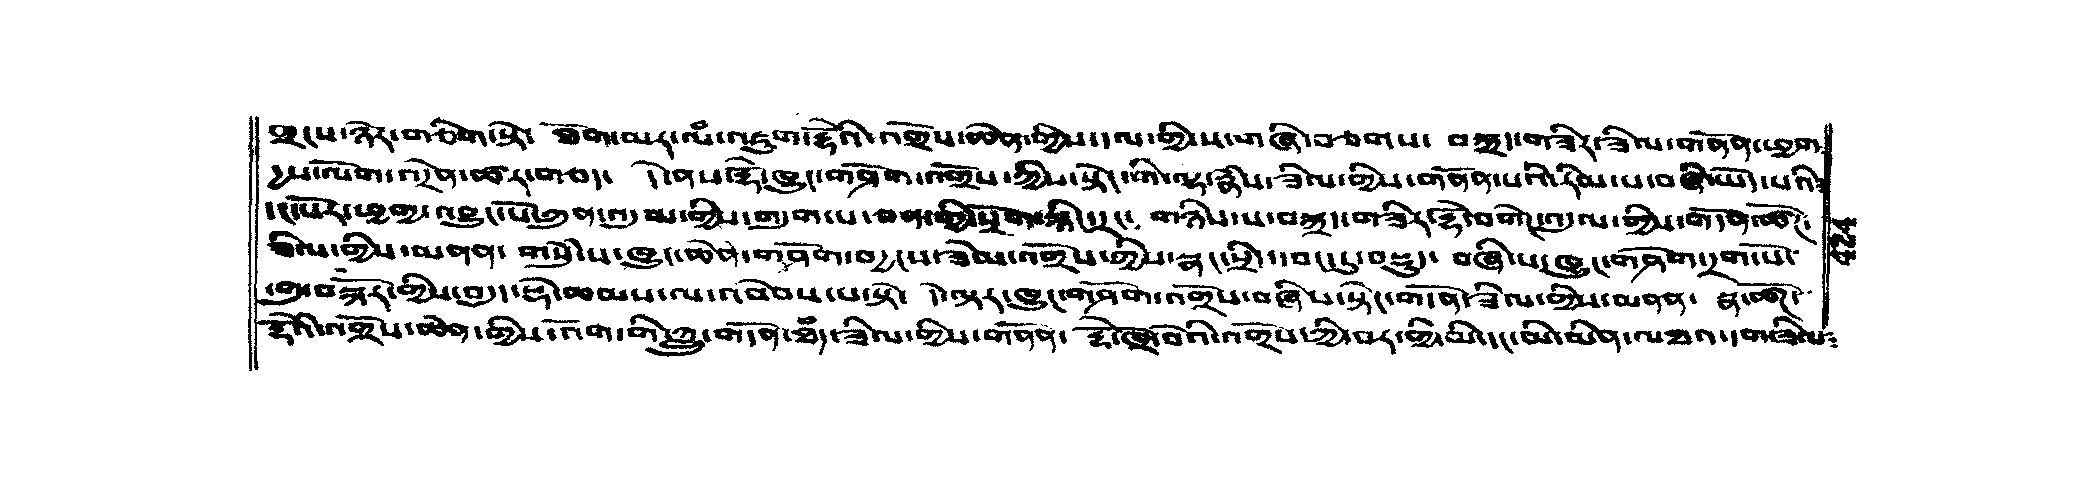གྲངས་ཉེར་གཅིག་སྟེ། ཐོག་མར་ལམ་འཇུག་རྡོ་རྗེའི་འགྲོས་ཆེན་གྱིས་དལ་གྱི་ས་གཞི་བཅགས། བསྐྲད་གཟིར་ཟིལ་གནོན་ཕྱག་
རྒྱས་ལོག་འདྲེན་ཚར་བཅད། དེ་ནས་རྡོ་རྗེ་ཁྱུང་གཤོག་འགྲོས་ཀྱིས་སྟེང་གི་ལྷ་རྣམས་ཟིལ་གྱིས་གནོན་པའི་རིམ་པ་བཞི་ཡོད་པའི་
དང་པོར་ཕྱག་རྒྱ་འབྱུང་པོ་ཀུན་འདུལ་གྱིས་གདུག་པ་ཅན་གྱི་སྲོག་སྙིང་དྲང་། གཉིས་པ་བསྐྲད་གཟིར་རྡོ་རྗེ་བགེགས་འདུལ་གྱིས་གདོན་ཚོགས་
ཟིལ་གྱིས་མནན། གསུམ་པ་ཁྱུང་ཆེན་གཤོག་བརྒྱངས་ཟེམ་འགྲོས་ཀྱིས་སྣང་སྲིད་དབང་དུ་བསྡུད། བཞི་པ་ཁྱུང་གཤོག་དྲག་པོ་
དགུ་བསྐོར་གྱིས་བདུད་སྡེ་ཆམས་ལ་འབེབས་པ་སྟེ། དེ་ལྟར་ཁྱུང་གཤོག་འགྲོས་བཞིས་སྟེང་གདོན་ཟིལ་གྱིས་མནན། སྣ་ཚོགས་
རྡོ་རྗེ་འགྲོས་ཆེན་གྱི་འོག་གི་ཀླུ་གདོན་ཐམས་ཅད་ཟིལ་གྱིས་གནོན། རྡོ་རྗེ་ཁྲོ་བའི་འགྲོས་ཀྱི་བར་གྱི་མི་དང་མི་མིན་མཐའ་དག་ཟིལ་